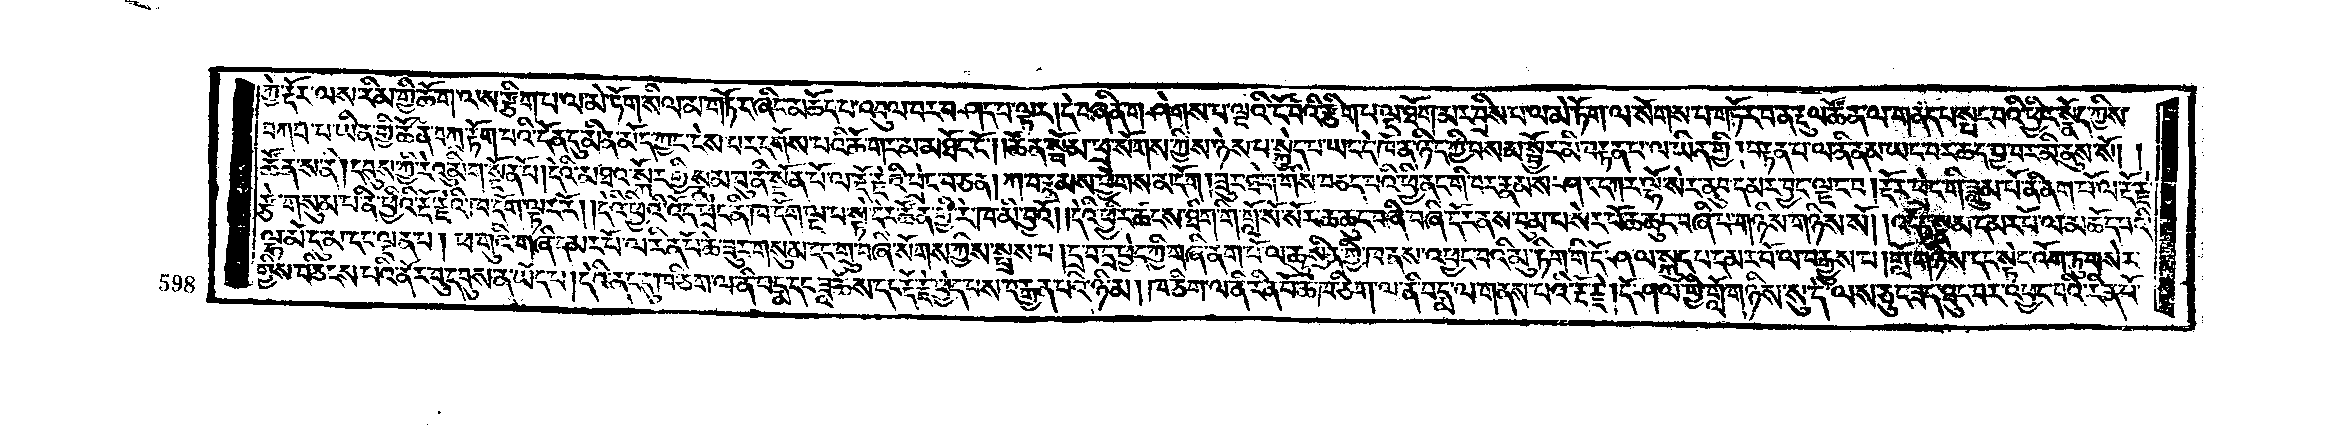ཀྱེ་རྡོར་ལས་རིམ་གྱི་ཆོ་ག་ལས་རྩིག་པ་ལ་མེ་ཏོག་སིལ་མ་གཏོར་ཞིང་མཆོད་པ་འབུལ་བར་བཤད་པ་ལྟར། དེ་བཞིན་གཤེགས་པ་ལྔའི་ངོ་བོའི་རྩིག་པ་ལྔ་ཐོག་མར་བྲིས་པ་ལ་མེ་ཏོག་ལ་སོགས་པ་གཏོར་བ་ན་རྡུལ་ཚོན་ལ་གནོད་པ་སྤང་བའི་ཕྱིར་སྣོད་ཀྱིས་
བཀབ་པ་ཡིན་གྱི་ཚོན་བཀྲ་རྟོག་པའི་དོན་དུ་མིན་མོད་ཀྱང་ངེས་པར་དགོས་པའི་ཆོ་གར་མ་མཐོང་ངོ། །ཚོན་སྦོམ་ཕྲ་སོགས་ཀྱིས་ཉེས་པ་སྐྱེད་པ་ཡང་དེ་ཁོ་ན་ཉིད་ཀྱི་བསམ་སྦྱོར་མི་བརྟན་པ་ལ་ཡིན་གྱི། བརྟན་པ་ལ་ནི་ནམ་ཡང་བར་ཆད་བྱ་བར་མི་ནུས་སོ། །
ཚོན་ས་ནི། དབུས་ཀྱི་རེའུ་མིག་སྔོན་པོ། དེའི་མཐའ་སྐོར་གྱི་སྣམ་བུ་ནི་སྔོན་པོ་ལ་རྡོ་རྗེའི་ཕྲེང་བ་ཅན། ཀ་བ་རྣམས་ཕྱོགས་མདོག །ཟུར་ཐིག་གིས་བཅད་པའི་ཕྱི་ནང་གི་བར་རྣམས་ཤར་དཀར་ལྷོ་སེར་ནུབ་དམར་བྱང་ལྗང་བ། རྡོར་ཕྲེང་གི་ཟླུམ་པོ་ནི་ནག་པ་ལ་རྡོ་རྗེ་
རྩེ་གསུམ་པ་ནི་ཕྱིའི་རྡོ་རྗེའི་ཁ་དོག་ལྟར་རོ། །དེའི་ཕྱིའི་འོད་ཕྲེང་ནི་ཁ་དོག་ལྔ་པ་སྟེ་དེར་ཚོན་གྱི་རེ་ཁ་མི་བྱའོ། །དེའི་ཕྱིར་ཚང་ཐིག་གི་གློ་སོ་སོར་ཆ་ཆུང་བཞི་བཞི་དོར་ནས་བུམ་པ་སེར་པོ་ཆ་ཆུང་བཞི་པ་གཉིས་གཉིས་སོ། །འདོད་སྙམ་དམར་པོ་ལ་མཆོད་པའི་
ལྷ་མོ་དུ་མ་དང་ལྡན་པ། ཕ་གུའི་གཞི་དམར་པོ་ལ་རིན་པོ་ཆེ་ཟུར་གསུམ་དང་གྲུ་བཞི་སོགས་ཀྱིས་སྤྲས་པ། དྲ་བ་དྲ་ཕྱེད་ཀྱི་གཞི་ནག་པོ་ལ་ཆུ་སྲིན་གྱི་ཁ་ནས་འཕྱང་བའི་མུ་ཏིག་གི་དོ་ཤལ་སྐུད་པ་དམར་པོ་ལ་བརྒྱུས་པ། གློ་གཉིས་དང་སྟེང་འོག་ཏུ་གསེར་
གྱིས་བཅིངས་པའི་ནོར་བུ་དབུས་ན་ཡོད་པ། དེའི་ནང་དུ་ཁ་ཅིག་ལ་ནི་པདམ་དང་ཟླ་ཚེས་དང་རྡོ་རྗེ་ཕྱེད་པས་བརྒྱན་པའི་ཉི་མ། ཁ་ཅིག་ལ་ནི་རིན་པོ་ཆེ་ཁ་ཅིག་ལ་ནི་པདམ་ལ་གནས་པའི་རྡོ་རྗེ། དོ་ཤལ་གྱི་གློ་གཉིས་སུ་དེ་ལས་ཅུང་ཟད་ཐུང་བར་འཕྱང་བའི་རིན་པོ་